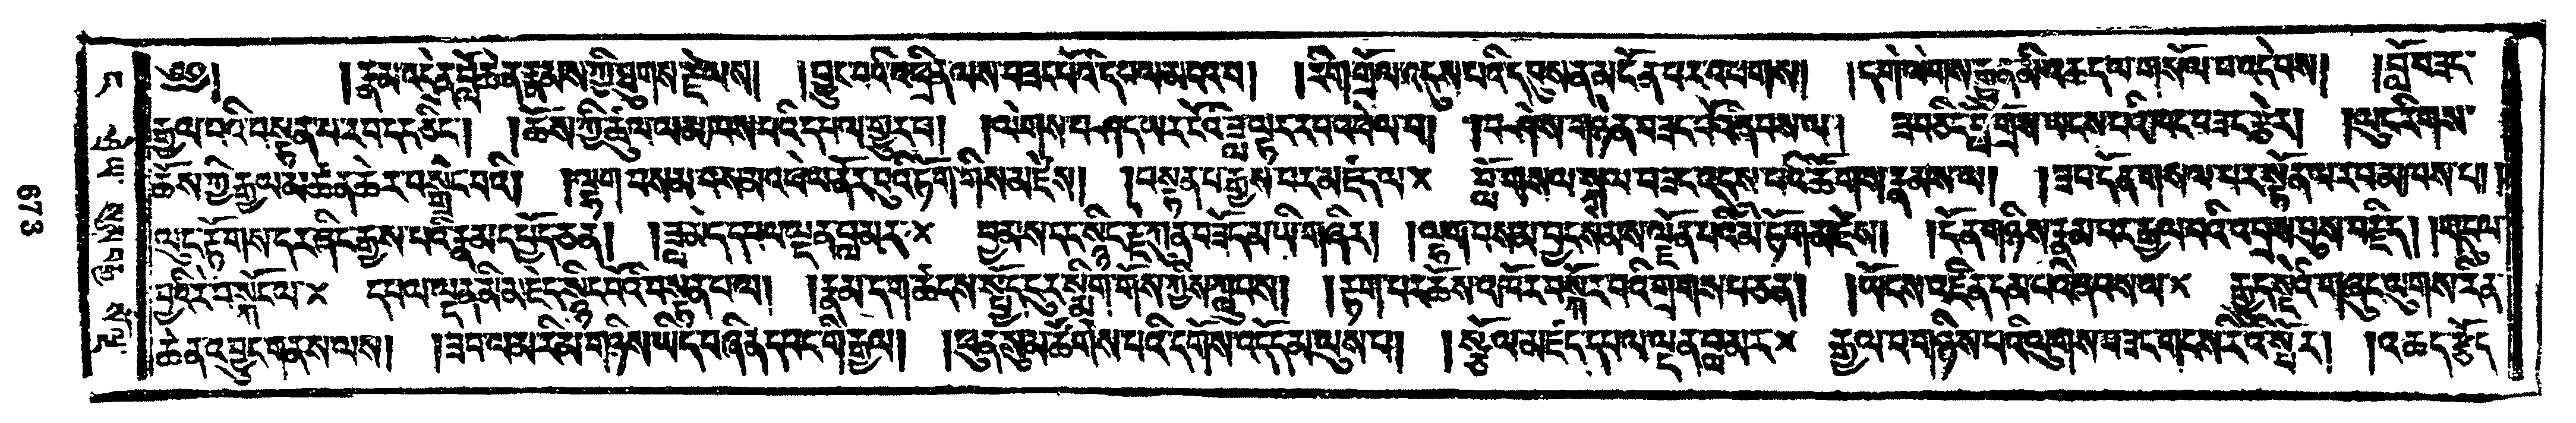༄༅། །རྣམ་འདྲེན་བློ་ཆེན་རྣམས་ཀྱི་ཐུགས་རྗེ་ལས། །བྱུང་བའི་འཕྲིན་ལས་བཟང་པོའི་དཔལ་མངའ་བ། །རིག་གྲོལ་འདུས་པའི་དབུས་ན་མངོན་པར་འཕགས། །དགེ་ལེགས་རྒྱུན་མི་འཆད་ལ་གསོལ་བ་འདེབས། །བློ་བཟང་
རྒྱལ་བའི་བསྟན་པ་རབ་དད་ཅིང་། །ཆོས་ཀྱི་ཚུལ་ལ་མཁས་པའི་དཔལ་གྱུར་པ། །ལེགས་བཤད་ཡར་ངོའི་ཟླ་ལྟར་རབ་འཕེལ་བ། །བཤེས་གཉེན་བཟང་བོའི་ཞབས་ལ། ཟབ་ཅིང་བློ་གྲོས་ཡངས་པའི་ཁང་བཟང་རྩེར། །ལུང་རིགས་
ཆོས་ཀྱི་རྒྱལ་མཚན་ཆེར་བསྒྲེང་བའི། །ལྷག་བསམ་བསམ་འཕེལ་ནོར་བུའི་ཏོག་གིས་མཛེས། །བསྟན་པ་རྒྱས་བར་མཛད་ལ་྾་བློ་གསལ་སྐལ་བཟང་འདུས་པའི་ཚོགས་རྣམས་ལ། །ཟབ་དོན་གསལ་པར་སྟོན་ལ་རབ་མཁས་པ། །
ལུང་རྟོགས་དར་ཞིང་རྒྱས་པའི་རྣམ་དཔྱོད་ཅན། །ཟླ་མེད་དཔལ་ལྡན་བླ་མར་྾་བྱམས་དང་སྙིང་རྗེ་ཀུན་བཟོད་མ་ཡི་གཞིར། །ལྷག་བསམ་བྱང་སེམས་ལྗོན་པའི་མེ་ཏོག་མཛེས། །དོན་གཉིས་རྣམ་བར་རྒྱལ་བའི་འབྲས་བུས་བརྗིད། །གདུལ་
བྱའི་རེ་བ་སྐོང་ལ་྾་དཔལ་ལྡན་མི་མཇེད་སྙིང་བོའི་བསྟན་པ་ལ། །རྣམ་དག་ཚངས་སྤྱོད་ངུར་སྨིག་གོས་ཀྱིས་ཀླུབས། །རྟག་པར་ཆོས་འཁོར་བསྐོར་བའི་གྲགས་པ་ཅན། །ཡོངས་འཛིན་དམ་པའི་ཞབས་ལ་྾་རྒྱུད་སྔེའི་གཞུང་ལུགས་རིན་
ཆེན་འབྱུང་གནས་ལས། །ཟབ་ལམ་རིམ་གཉིས་ཡིད་བཞིན་དབང་གི་རྒྱལ། །ཕུན་སུམ་ཚོགས་པའི་དགོས་འདོད་མ་ལུས་པ། །སྩོལ་མཛད་དཔལ་ལྡན་བླ་མར་྾་རྒྱལ་བ་གཉིས་པའི་ལུགས་བཟང་གངས་རིའི་སྤོར། །འཆད་རྩོད་